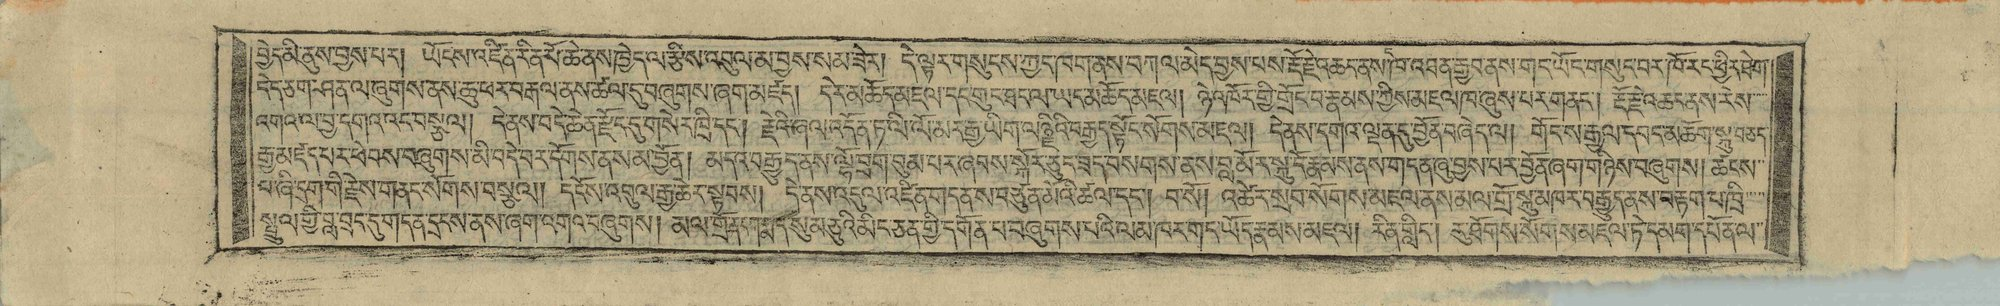བྱེད་མི་ནུས་བྱས་པར། ཡོངས་འཛིན་རིན་པོ་ཆེ་ནས་ཁྱེད་ལ་རྩིས་འབུལ་མ་བྱས་སམ་ཟེར། དེ་ལྟར་གསུངས་ཀྱང་ཁག་ནས་བཀལ་མེད་བྱས་པས་རྡོ་རྗེ་འཆང་ནས་ཁང་འཐན་རྒྱབ་ནས་གང་ཡོང་གསུང་བར་ཁོ་རང་ཕྱིར་ཐེག་
ངེད་ཅག་ཤན་ལ་ཞུགས་ནས་ཆུ་ཕར་བརྒལ་ནས་ཚལ་དུ་བཞུགས་ཞག་མཛད། དེར་མཆོད་མཇལ་དང་གུང་ཐང་ལ་ཡང་མཆོད་མཇལ། ཉེ་འཁོར་གྱི་གྲོང་བ་རྣམས་ཀྱིས་མཇལ་ཁ་ཞུས་པར་གནང་། རྡོ་རྗེ་འཆང་ནས་རེས་
འགའ་ལ་བྱ་དགའ་འང་བསྩལ། དེ་ནས་བདེ་ཆེན་རྫོང་དུ་གསེར་ཁྲི་དང་། རྗེའི་ཞལ་འདོན་ཏ་ལི་ལོ་མར་རྒྱ་ཡིག་ལཉིཛཱི་བརྒྱད་སྟོང་སོགས་མཇལ། དེ་ནས་དགའ་ལྡན་དུ་བྱོན་བཞེད་ལ། གོང་ས་རྒྱལ་དབང་མཆོག་སྐུ་བཅད་
རྒྱ་མཛད་པར་ཕེབས་བཞུགས་མི་བདེ་བར་དོགས་ནས་མ་བྱོན། མདའ་བརྒྱུད་ནས་ལྷོ་བྲག་བུམ་པར་ཞབས་སྐོར་ཅུང་ཟད་བསགས་ནས་བླ་མོར་སྐུ་དོ་རྣམས་ནས་གདན་ཞུ་བྱས་པར་བྱོན་ཞག་གཉིས་བཞུགས། ཚངས་
པ་ཞི་དྲག་གི་རྗེས་གནང་སོགས་བསྩལ། དངོས་འབུལ་རྒྱ་ཆེར་སྟབས། དེ་ནས་འདུལ་འཛིན་གདན་ས་བཙུན་མོའི་ཚལ་དང་། བ་སོ། འཚེར་སྲབ་སོགས་མཇལ་ནས་མལ་གྲོ་སྐུ་མཁར་བརྒྱུད་ནས་བརྟག་པ་ཁྲི་
སྤྲུལ་གྱི་བླ་བྲང་དུ་གདན་དྲངས་ནས་ཞག་འགའ་བཞུགས། མལ་གྲོ་ནང་ཀརྨད་སུམ་ཅུའི་མིང་ཅན་གྱི་དགོན་པ་བཞུགས་པའི་ལམ་ཁར་གང་ཡོད་རྣམས་མཇལ། རིན་གླིང་། རུ་ཐོགས་སོགས་མཇལ་ཏེ་དམག་དཔོན་ལ་